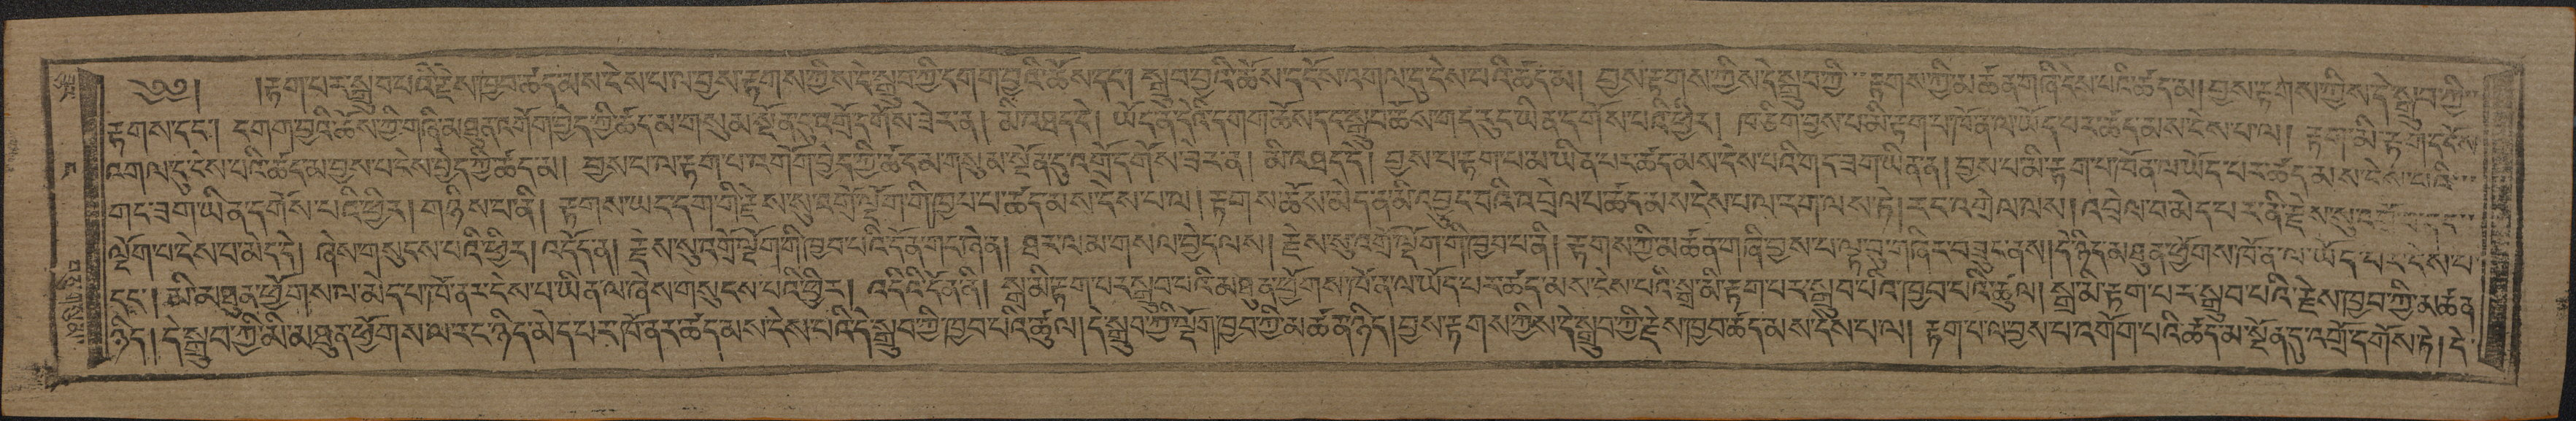༄༅། །རྟག་པར་སྒྲུབ་པའི་རྗེས་ཁྱབ་ཚད་མས་ངེས་པ་ལ་བྱས་རྟགས་ཀྱིས་དེ་སྒྲུབ་ཀྱི་དགག་བྱའི་ཆོས་དང་། བསྒྲུབ་བྱའི་ཆོས་དངོས་འགལ་དུ་ངེས་པའི་ཚད་མ། བྱས་རྟགས་ཀྱིས་དེ་སྒྲུབ་ཀྱི་རྟགས་ཀྱི་མཚན་གཞི་ངེས་པའི་ཚད་མ། བྱས་རྟགས་ཀྱིས་དེ་སྒྲུབ་ཀྱི་
རྟགས་དང་། དགག་བྱའི་ཆོས་ཀྱི་གཞི་མཐུན་འགོག་བྱེད་ཀྱི་ཚད་མ་གསུམ་སྔོན་དུ་འགྲོ་དགོས་ཟེར་ན། མི་འཐད་དེ། ཡོད་ན་དེའི་དགག་ཆོས་དང་སྒྲུབ་ཆོས་གང་རུང་ཡིན་དགོས་པའི་ཕྱིར། ཁ་ཅིག་བྱས་པ་མི་རྟག་པ་ཁོ་ན་ལ་ཡོད་པར་ཚད་མས་ངེས་པ་ལ། རྟག་མི་རྟག་དངོས་
འགལ་དུ་ངེས་པའི་ཚད་མ་བྱས་པ་ངེས་བྱེད་ཀྱི་ཚད་མ། བྱས་པ་ལ་རྟག་པ་འགོག་བྱེད་ཀྱི་ཚད་མ་གསུམ་སྔོན་དུ་འགྲོ་དགོས་ཟེར་ན། མི་འཐད་དེ། བྱས་པ་རྟག་པ་མ་ཡིན་པར་ཚད་མས་ངེས་པའི་གང་ཟག་ཡིན་ན། བྱས་པ་མི་རྟག་པ་ཁོ་ན་ལ་ཡོད་པར་ཚད་མས་ངེས་པའི་
གང་ཟག་ཡིན་དགོས་པའི་ཕྱིར། གཉིས་པ་ནི། རྟགས་ཡང་དག་གི་རྗེས་སུ་འགྲོ་ལྡོག་གི་ཁྱབ་པ་ཚད་མས་ངེས་པ་ལ། རྟགས་ཆོས་མེད་ན་མི་འབྱུང་བའི་འབྲེལ་པ་ཚད་མས་ངེས་པ་ལ་རག་ལས་ཏེ། རང་འགྲེལ་ལས། འབྲེལ་བ་མེད་པར་ནི་རྗེས་སུ་འགྲོ་བ་དང་
ལྡོག་པ་ངེས་པ་མེད་དེ། ཞེས་གསུངས་པའི་ཕྱིར། འདོད་ན། རྗེས་སུ་འགྲོ་ལྡོག་གི་ཁྱབ་པའི་དོན་གང་ཞེ་ན། ཐར་ལམ་གསལ་བྱེད་ལས། རྗེས་སུ་འགྲོ་ལྡོག་གི་ཁྱབ་པ་ནི། རྟགས་ཀྱི་མཚན་གཞི་བྱས་པ་ལྟ་བུ་གཞིར་བཟུང་ནས། དེ་ཉིད་མཐུན་ཕྱོགས་ཁོ་ན་ལ་ཡོད་པར་ངེས་པ་
དང་། མི་མཐུན་ཕྱོགས་ལ་མེད་པ་ཁོ་ནར་ངེས་པ་ཡིན་ལ་ཞེས་གསུངས་པའི་ཕྱིར། འདིའི་དོན་ནི། སྒྲ་མི་རྟག་པར་སྒྲུབ་པའི་མཐུན་ཕྱོགས་ཁོ་ན་ལ་ཡོད་པར་ཚད་མས་ངེས་པའི་སྒྲ་མི་རྟག་པར་སྒྲུབ་པའི་ཁྱབ་པའི་ཚུལ། སྒྲ་མི་རྟག་པར་སྒྲུབ་པའི་རྗེས་ཁྱབ་ཀྱི་མཚན་
ཉིད། དེ་སྒྲུབ་ཀྱི་མི་མཐུན་ཕྱོགས་ལ་རང་ཉིད་མེད་པར་ཁོ་ནར་ཚད་མས་ངེས་པའི་དེ་སྒྲུབ་ཀྱི་ཁྱབ་པའི་ཚུལ། དེ་སྒྲུབ་ཀྱི་ལྡོག་ཁྱབ་ཀྱི་མཚན་ཉིད། བྱས་རྟགས་ཀྱིས་དེ་སྒྲུབ་ཀྱི་རྗེས་ཁྱབ་ཚད་མས་ངེས་པ་ལ། རྟག་པ་ལ་བྱས་པ་འགོག་པའི་ཚད་མ་སྔོན་དུ་འགྲོ་དགོས་ཏེ། དེ་